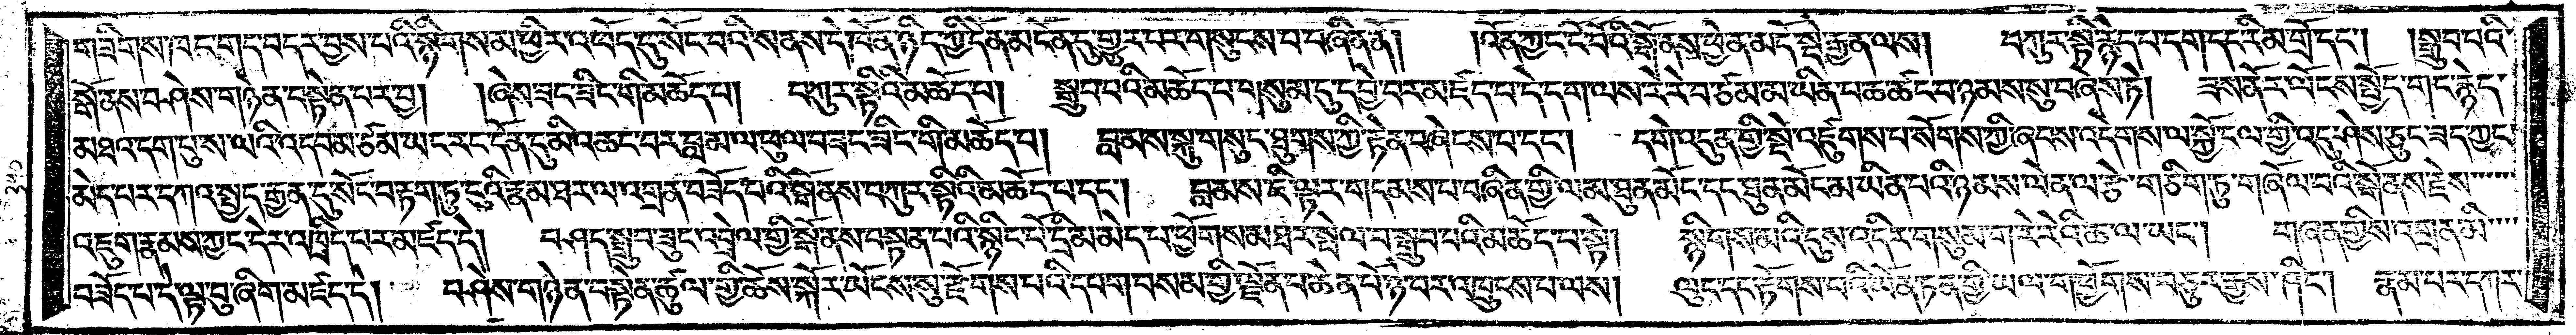གཟིགས་ཁང་གདབ་དར་བྱས་པའི་སྙིགས་མ་ཕྱིར་འཕོད་དུ་སོང་བའི་ས་ནས་དེ་ཁོ་ན་ཉིད་ཀྱི་དོན་མངོན་དུ་གྱུར་པར་གསུངས་པ་བཞིན་ནོ། །འོན་ཀྱང་ངོ་བོའི་སྒོ་ནས་ཕྱེ་ན་མདོ་སྡེ་རྒྱན་ལས། བཀུར་སྟི་རྙེད་པ་དག་དང་རིམ་གྲོ་དང་། །སྒྲུབ་པའི་
སྒོ་ནས་བཤེས་གཉེན་བསྟེན་པར་བྱ། །ཞེས་ཟང་ཟིང་གི་མཆོད་པ། བཀུར་སྟིའི་མཆོད་པ། སྒྲུབ་པའི་མཆོད་པ་གསུམ་དུ་དབྱེ་བར་མཛད་པ་དེ་དག་ལས་རེ་རེ་བ་ཙམ་མ་ཡིན་པ་ཆ་ཚང་བ་ཉམས་སུ་བཞེས་ཏེ། ཟས་ནོར་ལོངས་སྤྱོད་གང་རྙེད་
མཐའ་དག་བུ་ས་ལའི་འདབ་མ་ཙམ་ཡང་རང་དོན་དུ་མི་འཆང་བར་བླ་མ་ལ་ཕུལ་བཟང་ཟིང་གི་མཆོད་པ། བླ་མས་སྐུ་གསུང་ཐུགས་ཀྱི་རྟེན་བཞེངས་པ་དང་། དགེ་འདུན་གྱི་སྡེ་འཛུགས་པ་སོགས་ཀྱི་ཞབས་འདེགས་ལ་སྐྱོ་ངལ་གྱི་འདུ་ཤེས་ཅུང་ཟད་ཀྱན་
མེད་པར་དཀའ་སྤྱད་རྒྱན་དུ་སོང་བརྟག་ཏུ་ངུའི་རྣམ་ཐར་ལ་འགྲན་བཟོད་པའི་སྒོ་ནས་བཀུར་སྟིའི་མཆོད་པ་དང་། བླ་མས་ཇི་ལྟར་གདམས་པ་བཞིན་གྱི་ལམ་ཐུན་མོང་དང་ཐུན་མོང་མ་ཡིན་པའི་ཉམས་ལེན་ལ་རྩེ་གཅིག་ཏུ་གཞོལ་བའི་སྒོ་ནས་རྗེས་
འཇུག་རྣམས་ཀྱང་དེར་འཁྲིད་པར་མཛད་དེ། བཤད་སྒྲུབ་ཟུང་འབྲེལ་གྱི་སྒོ་ནས་བསྟན་པའི་སྙིང་པོ་དྲི་མ་མེད་པ་ཕྱོགས་མཐར་སྤེལ་བ་སྒྲུབ་བའི་མཆོད་པ་སྟེ། སྙིགས་མའི་དུས་འདིར་གསུམ་ག་རེ་རེའི་ཆ་ལ་ཡང་། གཞན་གྱིས་འགྲན་མི་
བཟོད་པ་དེ་ལྟ་བུ་ཞིག་མཛད་དེ། བཤེས་གཉེན་བསྟེན་ཚུལ་གྱི་ཆོས་སྐོར་ཡོངས་སུ་རྫོགས་པའི་དཔག་བསམ་གྱི་ལྗོན་པ་ཆེན་པོ་ཉེ་བར་འཁྲུངས་པ་ལས། ལུང་དང་རྟོགས་པའི་ཡོན་ཏན་གྱི་ཡལ་ག་ཕྱོགས་བཅུར་རྒྱས་ཤིང་། རྣམ་པར་དཀར་